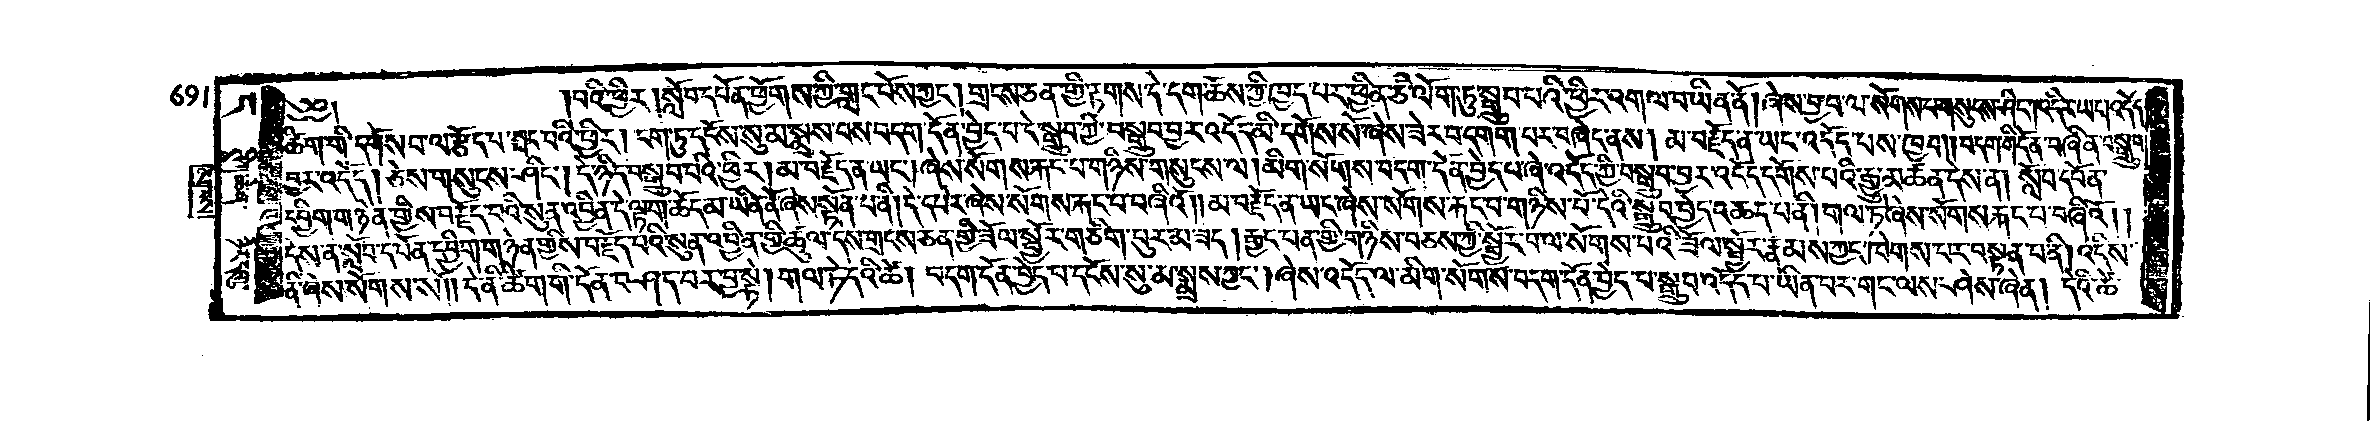༄༅། །པའི་ཕྱིར། སློབ་དཔོན་ཕྱོགས་ཀྱི་གླང་པོས་ཀྱང་། གྲངས་ཅན་གྱི་རྟགས་དེ་དག་ཆོས་ཀྱི་ཁྱད་པར་ཕྱིན་ཅི་ལོག་ཏུ་སྒྲུབ་པའི་ཕྱིར་འགལ་བ་ཡིན་ནོ། ཞེས་བྱ་བ་ལ་སོགས་པ་གསུངས་ཤིང་། འདིར་ཡང་། འདོད་
ཚིག་གི་དགོས་པ་ལ་རྩོད་པ་སྤང་པའི་ཕྱིར། ངག་ཏུ་དངོས་སུ་མ་སྨྲས་པས་བདག་དོན་བྱེད་པ་དེ་སྒྲུབ་ཀྱི་བསྒྲུབ་བྱར་འདོད་མི་དགོས་སོ་ཞེས་ཟེར་བ་དགག་པར་བཞེད་ནས། མ་བརྗོད་ན་ཡང་འདོད་པས་ཁྱབ། །བདག་གི་དོན་བཞིན་བསྒྲུབ་
བྱར་འདོད། ཅེས་གསུངས་ཤིང་། དེ་ཉིད་བསྒྲུབ་པའི་ཕྱིར། མ་བརྗོད་ན་ཡང་། ཞེས་སོགས་རྐང་པ་གཉིས་གསུངས་ལ། མིག་སོགས་བདག་དོན་བྱེད་པ་ཞེ་འདོད་ཀྱི་བསྒྲུབ་བྱར་འདོད་དགོས་པའི་རྒྱུ་མཚན་དེས་ན། སློབ་དཔོན་
དབྱིག་གཉེན་གྱིས་བརྗོད་པའི་སུན་འབྱིན་དེ་ལྟག་ཆོད་མ་ཡིན་ནོ་ཞེས་སྟོན་པ་ནི། དེ་དཔེར་ཞེས་སོགས་རྐང་པ་བཞིའོ། །མ་བརྗོད་ན་ཡང་ཞེས་སོགས་རྐང་བ་གཉིས་པོ་དེའི་སྒྲུབ་བྱེད་འཆད་པ་ནི། གལ་ཏེ་ཞེས་སོགས་རྐང་པ་བཞིའོ། །
དེས་ན་སློབ་དཔོན་དབྱིག་གཉེན་གྱིས་བརྗོད་པའི་སུན་འབྱིན་གྱི་ཚུལ་དེས་གྲངས་ཅན་གྱི་ཟོལ་སྦྱོར་གཅིག་བུར་མ་ཟད། རྒྱང་པན་གྱི་གཉིས་བཅས་ཀྱི་སྦྱོར་བ་ལ་སོགས་པའི་ཟོལ་སྦྱོར་རྣམས་ཀྱང་ཁེགས་པར་བསྟན་པ་ནི། འདིས་
ནི་ཞེས་སོགས་སོ། །དེ་ནི་ཚིག་གི་དོན་བཤད་པར་བྱ་སྟེ། གལ་ཏེ་དེའི་ཚེ། བདག་དོན་བྱེད་པ་དངོས་སུ་མ་སྨྲས་ཀྱང་། ཞེས་འདོད་ལ་མིག་སོགས་བདག་དོན་བྱེད་པ་སྒྲུབ་འདོད་པ་ཡིན་པར་གང་ལས་ཤེས་ཞེ་ན། དེའི་ཚེ་